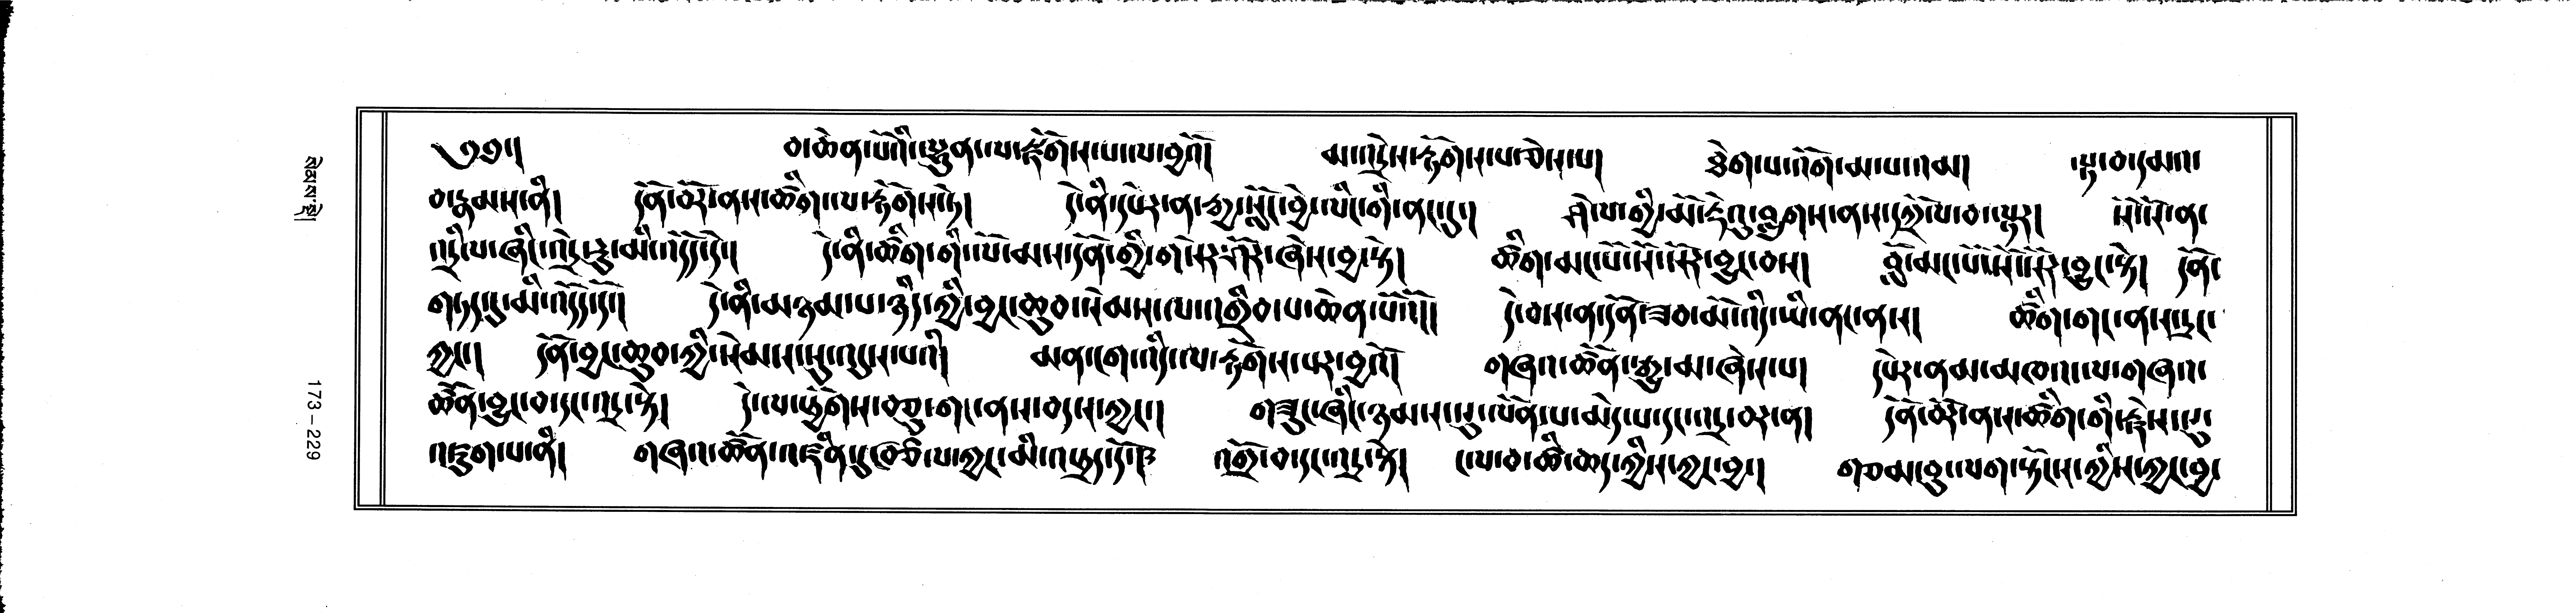བ་ཆེན་པོ་ལྷུན་ལ་རྫོགས་པ་ལ་བྱའོ། །མ་འདྲེས་རྟོག་པ་ཅེས་པ། ཐེག་པ་འོག་མ་པའམ། ལྟ་བ་དམའ་
བ་རྣམས་ནི། དོན་བོར་ནས་ཚིག་ལ་རྟོག་སྟེ། དེ་ནི་དཔེར་ན་རྒྱ་སློང་བྱེ་ལིང་གི་ནང་དུ། ཤེལ་གྱི་མོ་རྡེལ་བླུགས་ནས་བཀྲོལ་བ་ལྟར། སོ་སོ་ན་
འདྲིལ་ཞིང་འདྲེ་རུ་མི་འདོད་དེ། དེ་ནི་ཚིག་གི་ལོ་མས་དོན་གྱི་གསེར་ཤོར་ཞེས་བྱ་སྟེ། ཚིག་མང་པོ་སོ་སོར་བྱུང་བས། བློ་མང་པོ་སོ་སོར་བྱུང་སྟེ། དོན་
གཏད་དུ་མི་འདོད་དོ། དེ་ནི་མཉམ་པ་ཉིད་ཀྱི་བྱང་ཆུབ་སེམས་ལ་འགྲིབ་པའོ། །དེ་བས་ན་དོན་ཟབ་མོ་འདི་ཡི་ནང་ནས། ཚིག་གང་ནས་དྲངས་
ཀྱང་། དོན་བྱང་ཆུབ་སེམས་སུ་འདུས་པའི། མན་ངག་འདི་ལ་རྟོགས་པར་བྱའོ། །གཞའ་ཚོན་སྒྱུ་མ་ཞེས་པ། དཔེར་ནམ་མཁའ་ལ་གཞའ་
ཚོན་བྱུང་བ་དང་འདྲ་སྟེ། དེ་ལ་ཕྱོགས་བཅུ་གང་ནས་བདས་ཀྱང་། གཟུང་ཞིང་ཉམས་སུ་ལོན་པ་མེད་པ་དང་འདྲ་བར་ན། དོན་བོར་ནས་ཚིག་གི་རྗེས་སུ་
འཇུག་པ་ནི། གཞའ་ཚོན་འཛིན་དུ་འགྲོ་བ་དང་འདྲ་སྟེ། ངལ་བ་ཚི་ཆད་ཀྱིས་ཀྱང་བྱ། གཅམ་བུ་ལག་སྟོང་ཀྱིས་ཀྱང་བྱ།